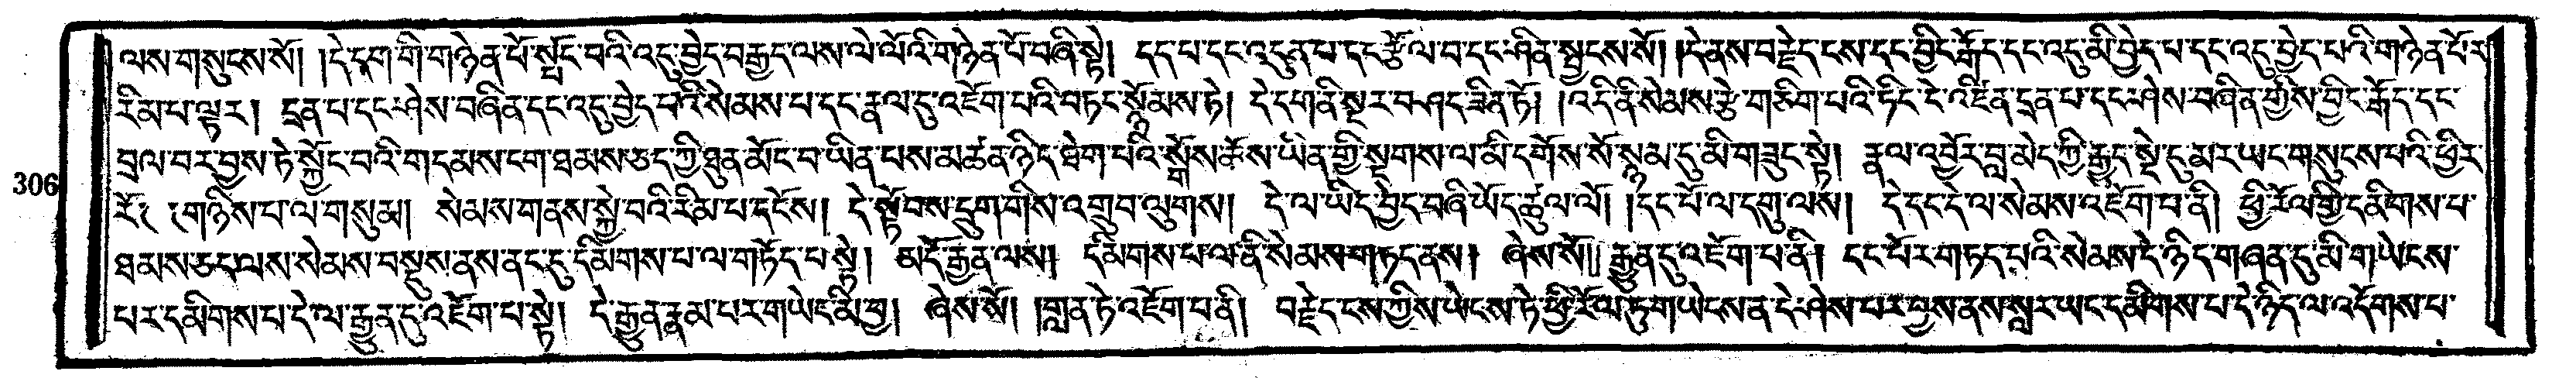ལས་གསུངས་སོ། །དེ་དག་གི་གཉེན་པོ་སྤོང་བའི་འདུ་བྱེད་བརྒྱད་ལས་ལེ་ལོའི་གཉེན་པོ་བཞི་སྟེ། དད་པ་དང་འདུན་པ་དང་རྩོལ་བ་དང་ཤིན་སྦྱངས་སོ། །དེ་ནས་བརྗེད་ངས་དང་བྱིང་རྒོད་དང་འདུ་མི་བྱེད་རྒོད་དང་འདུ་མི་བྱེད་པ་དང་འདུ་བྱེད་པའི་གཉེན་པོར་
རིམ་པ་ལྟར། དྲན་པ་དང་ཤེས་བཞིན་དང་འདུ་བྱེད་པའི་སེམས་པ་དང་རྣལ་དུ་འཇོག་པའི་བཏང་སྙོམས་ཏེ། དེ་དག་ནི་སྔར་བཤད་ཟིན་ཏོ། །འདི་ནི་སེམས་རྩེ་གཅིག་པའི་ཏིང་ངེ་འཛིན་དྲན་པ་དང་ཤེས་བཞིན་གྱིས་བྱིང་རྒོད་དང་
བྲལ་བར་བྱས་ཏེ་སྐྱོང་བའི་གདམས་ངག་ཐམས་ཅད་ཀྱི་ཐུན་མོང་བ་ཡིན་པས་མཚན་ཉིད་ཐེག་པའི་སྒོས་ཆོས་ཡིན་གྱི་སྡགས་ལ་མི་དགོས་སོ་སྙམ་དུ་མི་གཟུང་སྟེ། རྣལ་འབྱོར་བླ་མེད་ཀྱི་རྒྱུད་སྡེ་དུ་མར་ཡང་གསུངས་པའི་ཕྱིར་
རོ༑ ༑གཉིས་པ་ལ་གསུམ། སེམས་གནས་སྐྱེ་བའི་རིམ་པ་དངོས། དེ་སྟོབས་དྲུག་གིས་འགྲུབ་ལུགས། དེ་ལ་ཡིད་བྱེད་བཞི་ཡོད་ཚུལ་ལོ། །དང་པོ་ལ་དགུ་ལས། དེ་དང་དེ་ལ་སེམས་འཇོག་པ་ནི། ཕྱི་རོལ་གྱི་དམིགས་པ་
ཐམས་ཅད་ལས་སེམས་བསྡུས་ནས་ནང་དུ་དམིགས་པ་ལ་གཏོད་པ་སྟེ། མདོ་རྒྱན་ལས། དམིགས་པ་ལ་ནི་སེམས་གཏད་ནས། ཞེས་སོ། །རྒྱུན་དུ་འཇོག་པ་ནི། དང་པོར་གཏད་པའི་སེམས་དེ་ཉིད་གཞན་དུ་མི་གཡེངས་
པར་དམིགས་པ་དེ་ལ་རྒྱུན་དུ་འཇོག་པ་སྟེ། དེ་རྒྱུན་རྣམ་པར་གཡེང་མི་བྱ། ཞེས་སོ། །གླན་ཏེ་འཇོག་པ་ནི། བརྗེད་ངས་ཀྱིས་ཡེངས་ཏེ་ཕྱི་རོལ་ཏུ་གཡེངས་ན་དེ་ཤེས་པར་བྱས་ནས་སླར་ཡང་དམིགས་པ་དེ་ཉིད་ལ་འདོགས་པ་